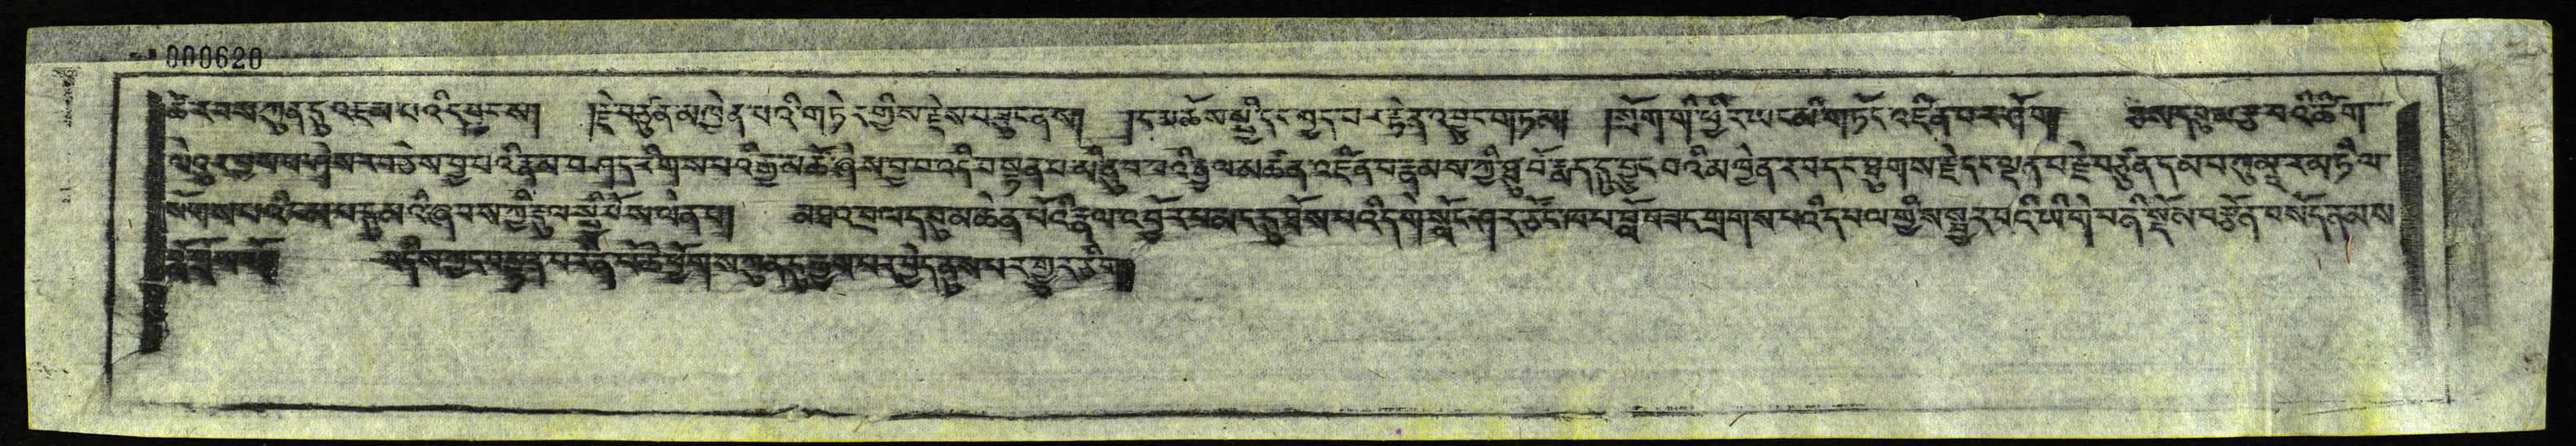ཚེ་རབས་ཀུན་དུ་འཇམ་པའི་དབྱངས། །རྗེ་བཙུན་མཁྱེན་པའི་གཏེར་གྱིས་རྗེས་བཟུང་ནས། །དམ་ཆོས་སྤྱི་དང་ཁྱད་པར་རྟེན་འབྱུང་གཏམ། །སྲོག་གི་ཕྱིར་ཡང་མི་གཏོང་འཛིན་པར་ཤོག། ཅེས་དབུ་མ་རྩ་བའི་ཚིག་
ལེའུར་བྱས་པ་ཤེས་རབ་ཅེས་བྱ་བའི་རྣམ་བཤད་རིགས་པའི་རྒྱ་མཚོ་ཞེས་བྱ་བ་འདི་བསྟན་པ་མི་ནུས་པའི་རྒྱལ་མཚན་འཛིན་པ་རྣམས་ཀྱི་ཐུ་བོ་རྨད་དུ་བྱུང་བའི་མཁྱེན་རབ་དང་ཐུགས་རྗེ་དང་ལྡན་པ་རྗེ་བཙུན་དམ་པ་ཀུ་མཱ་ར་མ་ཏི་ལ་
སོགས་པའི་དམ་པ་དུ་མའི་ཞབས་ཀྱི་རྡུལ་སྤྱི་བོས་ལེན་པ། མཐའ་བྲལ་དབུ་མ་ཆེན་པོའི་རྣལ་འབྱོར་པ་མང་དུ་ཐོས་པའི་དགེ་སློང་ཤར་ཙོང་ཁ་པ་བློ་བཟང་གྲགས་པའི་དཔལ་གྱིས་སྦྱར་བའི་ཡི་གེ་པ་ནི་སྡོམ་བརྩོན་བསོད་ནམས་
བློ་གྲོས་སོ། འདིས་བྱང་བསྟན་པ་རིན་པོ་ཆེ་ཕྱོགས་ཀུན་དུ་གྱུར་ཅིག།།